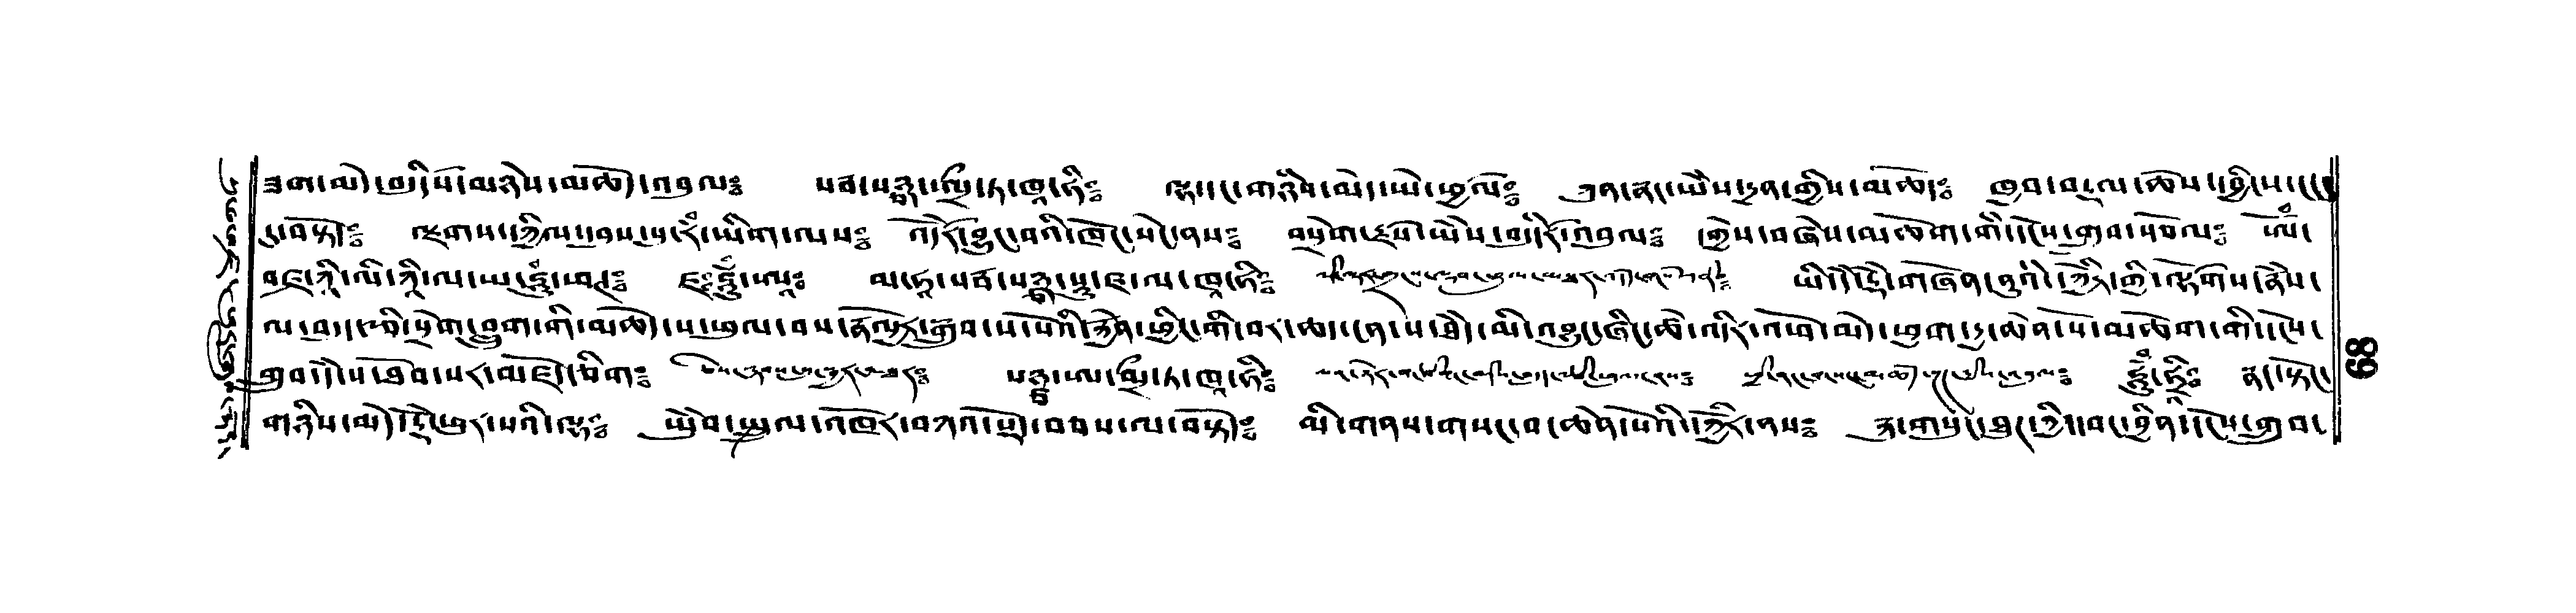ཟག་མེད་བདུད་རྩིས་མཉེས་མཆོད་འབུལ༔ སརྦ་པཉྩ་ཨ་མྲྀ་ཏ་ཁཱ་ཧིཿ ལྷ་དང་གཉིས་མེད་ཡེ་ཕྱག་འཚལ༔ ཀུན་སྣང་ཡེ་ཤེས་རྒྱན་གྱིས་མཆོད༔ ཁྱབ་བརྡལ་ཆོས་དབྱིངས་ངང་
དུ་བསྟོད༔ ལྗགས་དཀྱིལ་དབུས་སུ་རྃ་ཡིག་ལས༔ འོད་ཟེར་བྱུང་བའི་ཁོང་སེང་ནས༔ བསྲེག་རྫས་ཡེ་ཤེས་བདུད་རྩིར་འབུལ༔ དགྱེས་བཞེས་མཆོག་གི་དངོས་གྲུབ་སྩོལ༔ ཨོཾ་
བཛྲ་ཀཱི་ལི་ཀཱི་ལ་ཡ་ཧཱུྃ་ཕཊ༔ ཛཿཧཱུྃ་ཨཱཿ མ་ཧཱ་སརྦ་པཉྩ་པཱུ་ཛ་ལ་ཁཱ་ཧི༔ འདི་ལྟར་གྲངས་ལྡན་ཕུལ་མཐར་འདོད་གསོལ་ནི༔ ཡི་དམ་རྡོ་རྗེ་གཞོན་ནུའི་དཀྱིལ་འཁོར་གྱི་ལྷ་ཚོགས་རྣམས་
ལ་བདུད་རྩི་སྲེག་བླུག་གི་མཆོད་པ་ཕུལ་བས་རྣལ་འབྱོར་སྒྲུབ་པ་པོའི་རྐྱེན་ཕྱི་ནང་གི་བར་ཆད་ངན་པ་ཐམས་ཅད་མི་འབྱུང་ཞིང་ཚེ་འདིར་འཕོ་མེད་ཕྱག་རྒྱ་ཆེན་པོ་མཆོག་གི་དངོས་
གྲུབ་དམ་པ་ཐོབ་པར་མཛོད་ཅིག༔ ཅེས་སྐབས་སུ་སྦྱར་མཐར༔ པཉྩ་ཨ་མྲྀ་ཏ་ཁཱ་ཧི༔ ལན་ཉེར་གཅིག་གིས་བདུད་རྩི་ཕུལ་ནས༔ཕྱི་ནང་གསང་མཆོད་སྔགས་ཀྱིས་འབུལ༔ ཧཱུྃ་ཧྲཱིཿ སྣང་སྟོང་
གཉིས་མེད་རྡོ་རྗེ་ཕུར་པའི་ལྷ༔ ཡབ་ཡུམ་སྤྲུལ་འཁོར་བཀའ་སྡོད་བཅས་ལ་བསྟོད༔ མི་གནས་གསང་བ་ཆེན་པོའི་དཀྱིལ་འཁོར་ནས༔ སྐུ་གསུང་ཐུགས་ཀྱི་དབང་བྱིན་དངོས་གྲུབ་